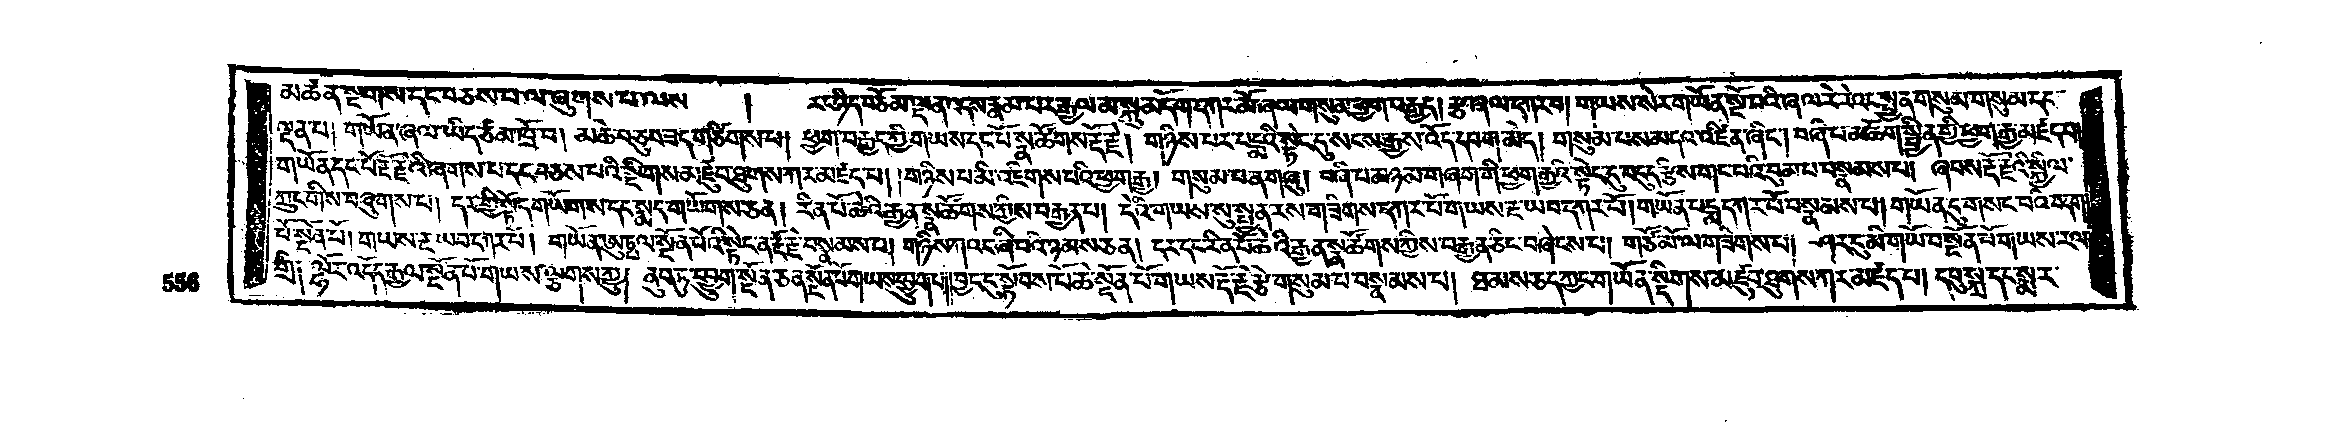མཚན་སྔགས་དང་བཅས་པ་ལ་ཞུགས་པ་ལས། རང་ཉིད་བཅོམ་ལྡན་འདས་རྣམ་པར་རྒྱལ་མ་སྐུ་མདོག་དཀར་མོ་ཞལ་གསུམ་ཕྱག་བརྒྱད། རྩ་ཞལ་དཀར་བ། གཡས་སེར་གཡོན་སྔོ་བའི་ཞལ་རེ་རེའང་སྤྱན་གསུམ་གསུམ་དང་
ལྡན་པ། གཡོན་ཞལ་ཡིད་ཙམ་ཁྲོ་བ། མཆེ་བ་ཅུང་ཟད་གཙིགས་པ། ཕྱག་བརྒྱད་ཀྱི་གཡས་དང་པོ་སྣ་ཚོགས་རྡོ་རྗེ། གཉིས་པར་པདམའི་སྟེང་དུ་སངས་རྒྱས་འོད་དཔག་མེད། གསུམ་པས་མདའ་འཛིན་ཞིང་། བཞི་པ་མཆོག་སྦྱིན་གྱི་ཕྱག་རྒྱ་མཛད་པ།
གཡོན་དང་པོ་རྡོ་རྗེའི་ཞགས་པ་དང་བཅས་པའི་སྡིགས་མཛུབ་ཐུགས་ཀར་མཛད་པ། །གཉིས་པ་མི་འཇིགས་པའི་ཕྱག་རྒྱ། གསུམ་པ་ན་གཞུ། བཞི་པ་མཉམ་གཞག་གི་ཕྱག་རྒྱའི་སྟེང་དུ་བདུད་རྩིས་གང་བའི་བུམ་པ་བསྣམས་པ། ཞབས་རྡོ་རྗེའི་སྐྱིལ་
ཀྲུང་གིས་བཞུགས་པ། དར་གྱི་སྟོད་གཡོགས་དང་སྨད་གཡོགས་ཅན། རིན་པོ་ཆེའི་རྒྱན་སྣ་ཚོགས་ཀྱིས་བརྒྱན་པ། དེའི་གཡས་སུ་སྤྱན་རས་གཟིགས་དཀར་པོ་གཡས་རྔ་ཡབ་དཀར་པོ། གཡོན་པདམ་དཀར་པོ་བསྣམས་པ། གཡོན་དུ་གསང་བའི་བདག་
པོ་སྔོན་པོ། གཡས་རྔ་ཡབ་དཀར་པོ། གཡོན་ཨུཏྤལ་སྔོན་པོའི་སྟེང་ན་རྡོ་རྗེ་བསྣམས་པ། གཉིས་ཀའང་ཞི་བའི་ཉམས་ཅན། དར་དང་རིན་པོ་ཆེའི་རྒྱན་སྣ་ཚོགས་ཀྱིས་བརྒྱན་ཅིང་བཞེངས་པ། གཙོ་མོ་ལ་གཟིགས་པ། ཤར་དུ་མི་གཡོ་བ་སྔོན་པོ་གཡས་རལ་
གྲི༑ ལྷོར་འདོད་རྒྱལ་སྔོན་པོ་གཡས་ལྕགས་ཀྱུ། ནུབ་ཏུ་དབྱུག་སྔོན་ཅན་སྔོན་པོ་གཡས་དབྱུག་པ། །བྱང་དུ་སྟོབས་པོ་ཆེ་སྔོན་པོ་གཡས་རྡོ་རྗེ་རྩེ་གསུམ་པ་བསྣམས་པ། ཐམས་ཅད་ཀྱང་གཡོན་སྡིགས་མཛུབ་ཐུགས་ཀར་མཛད་པ། དབུ་སྐྲ་དང་སྨར་